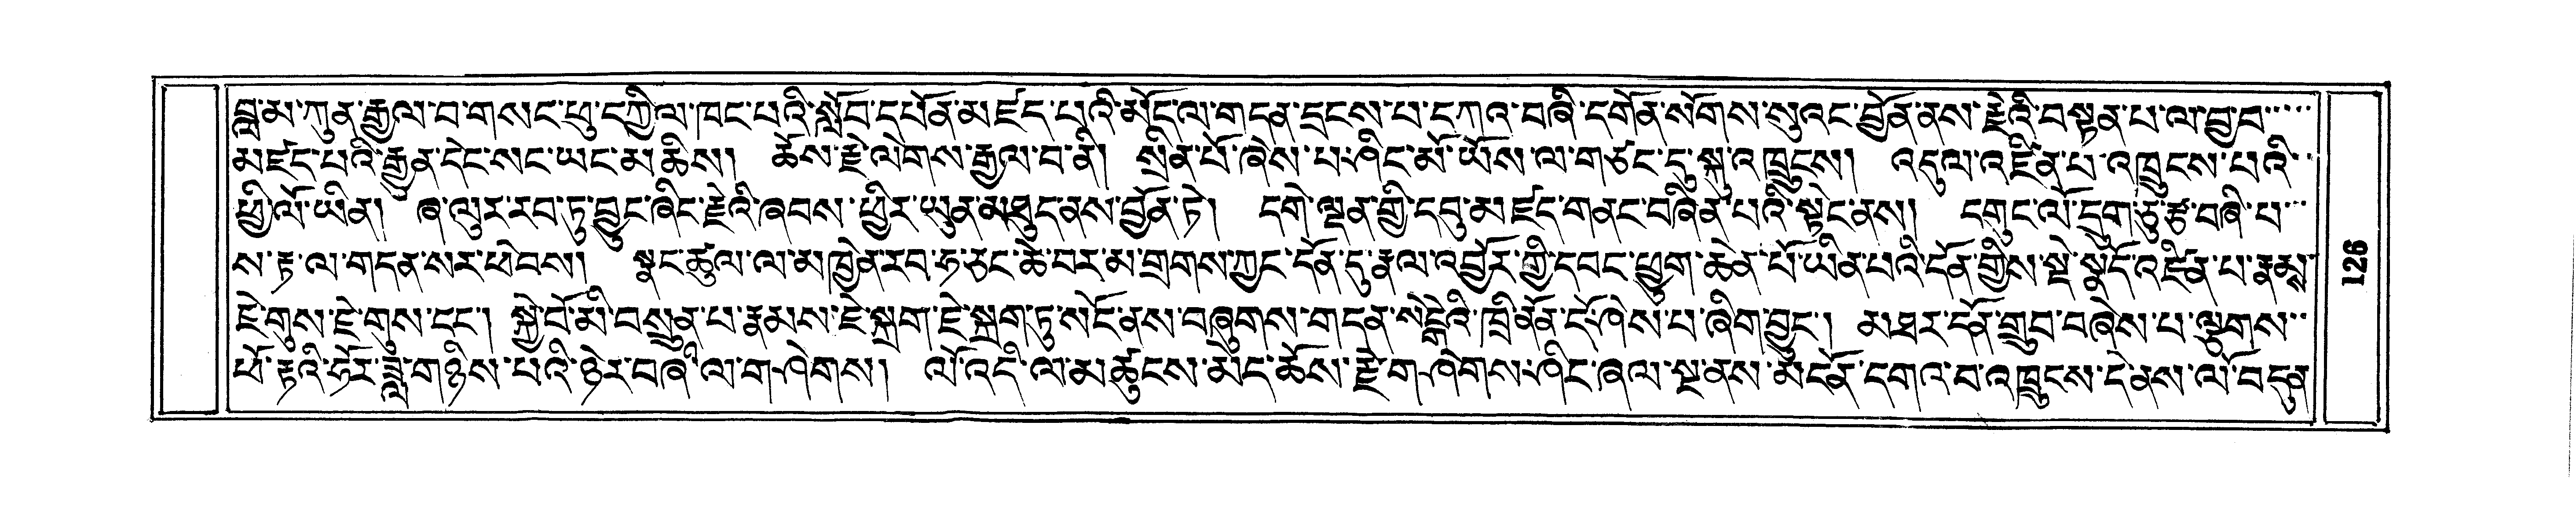བླ་མ་ཀུན་རྒྱལ་བ་གསང་ཕུ་དཀྱིལ་ཁང་པའི་སློབ་དཔོན་མཛད་པའི་མོད་ལ་གདན་དྲངས་པ་དཀའ་བཞི་དགོན་སོགས་སུའང་བྱོན་ནས་རྗེའི་བསྟན་པ་ལ་བྱ་བ་
མཛད་པའི་རྒྱུན་དེང་སང་ཡང་མཆིས། ཆོས་རྗེ་ལེགས་རྒྱལ་བ་ནི། སྲིན་པོ་ཞེས་པ་ཤིང་མོ་ཡོས་ལ་གཙང་དུ་སྐུ་འཁྲུངས། འདུལ་འཛིན་པ་འཁྲུངས་པའི་
ཕྱི་ལོ་ཡིན། ཞ་ལུར་རབ་ཏུ་བྱུང་ཞིང་རྗེའི་ཞབས་ཕྱིར་ཡུན་མཐུད་ནས་བྱོན་ཏེ། དགེ་ལྡན་གྱི་དབུ་མཛད་གནང་བཞིན་པའི་སྟེང་ནས། དགུང་ལོ་དྲུག་ཅུ་རྩ་བཞི་པ་
ས་རྟ་ལ་གདན་སར་ཕེབས། སྣང་ཚུལ་ལ་མཁྱེན་རབ་ཧ་ཅང་ཆེ་བར་མ་གྲགས་ཀྱང་དོན་དུ་རྣལ་འབྱོར་གྱི་དབང་ཕྱུག་ཆེན་པོ་ཡིན་པའི་དོན་གྱིས་སྡེ་སྣོད་འཛིན་པ་རྣམས་
ཇེ་གུས་ཇེ་གུས་དང་། སྐྱེ་བོ་མི་བསྲུན་པ་རྣམས་ཇེ་སྐྲག་ཇེ་སྐྲག་ཏུ་སོང་ནས་བཞུགས་གདན་སེངྒེའི་ཁྲི་ནོན་དོ་ཤེས་པ་ཞིག་བྱུང་། མཐར་དོན་གྲུབ་བཞེས་པ་ལྕགས་
ཕོ་རྟའི་ཧོར་ཟླ་གཉིས་པའི་ཉེར་བཞི་ལ་གཤེགས། ལོ་འདི་ལ་མཚུངས་མེད་ཆོས་རྗེ་གཤེགས་ཤིང་ཞལ་སྔ་ནས་མངོན་དགའ་བ་འཁྲུངས་དེ་ནས་ལོ་བདུན་